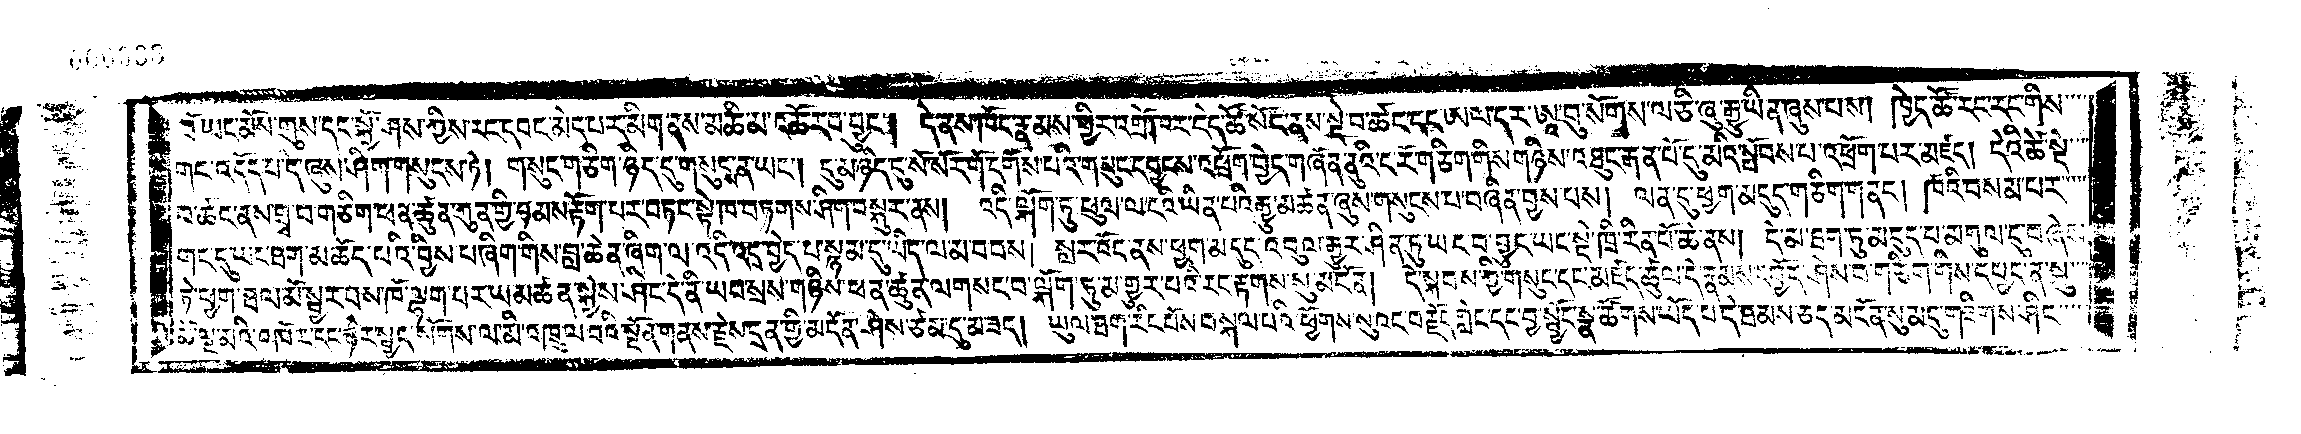པོ་ཡང་མོས་གུས་དང་སྐྱོ་ཤས་ཀྱིས་རང་དབང་མེད་པར་མིག་ནས་མཆི་མ་འཆོར་བ་བྱུང་། དེ་ནས་ཁོང་རྣམས་ཕྱིར་འགྲོ་ཁར་ངེད་ཚོ་སོད་ནས་སྡེ་བ་ཚང་དང་ཨལ་དར་ཨཱ་བུ་སོགས་ལ་ཅི་ཞུ་རྒྱུ་ཡིན་ཞུས་པས། ཁྱེད་ཚོ་རང་རང་གིས་
གང་འདོད་པ་དེ་ཞུས་ཤིག་གསུངས་ཏེ། གསུང་གཅིག་ཉིད་དུ་གསུངས་ན་ཡང་། དུ་མ་ཉིད་དུ་སོ་སོར་གོ་དགོས་པའི་གསུང་དབྱངས་འཕྲོག་བྱེད་གཞོན་ནུའི་ང་རོ་གཅིག་གིས་གཉིས་འཐུང་རྒན་པོ་དུ་མའི་སྤོབས་པ་འཕྲོག་པར་མཛད། དེའི་ཚེ་སྡེ་
པ་ཚང་ནས་གྲྭ་བ་གཅིག་ཕན་ཚུན་ཀུན་གྱི་ཉམས་རྟོག་པར་བཏང་སྟེ་ཁ་བཏགས་ཤིག་བསྐུར་ནས། འདི་ལྐོག་ཏུ་ཕུལ་ལ་ངའི་ཡིན་པའི་རྒྱུ་མཚན་ཞུས་གསུངས་པ་བཞིན་བྱས་པས། ལན་དུ་ཕྱག་མདུད་གཅིག་གནང་། ཁོའི་བསམ་པར་
གང་དུ་ཡང་ཐག་མ་ཆོད་པའི་བྱིས་པ་ཞིག་གིས་བླ་ཆེན་ཞིག་ལ་འདི་འདྲ་བྱེད་པ་སྙམ་དུ་ཡིད་ལ་མ་བབས། སླར་འོད་ནས་ཕྱག་མ་དུད་འབུལ་རྒྱུར་ཤིན་ཏུ་ཡང་བ་བྱུང་ཡང་སྡེ་ཁྲི་རིན་པོ་ཆེ་ནས། དེ་མ་ཐག་ཏུ་མདུད་པ་མགུལ་དུ་བཞེས་
ཏེ་ཕྱག་ཐལ་མོ་སྦྱར་བས་ཁོ་ལྷག་པར་ཡ་མཚན་སྐྱེས་ཤིང་དེ་ནི་ཡབ་སྲས་གཉིས་ཕན་ཚུན་ལ་གསང་བ་ལྐོག་ཏུ་མ་གྱུར་བའི་རང་རྟགས་སུ་མངོན། དེ་སྐབས་ཀྱི་གསུང་དང་མཛད་ཚུལ་དེ་རྣམས་དབྱོད་ཤེས་བ་གཅིག་གིས་དཔྱད་ན་སྐུ་
ཚེ་སྔ་མའི་འཁོར་དང་ཉེར་སྤྱད་སོགས་ལ་མི་འཁྲུལ་བའི་སྔོན་གནས་རྗེས་དྲན་གྱི་མངོན་ཤེས་ཙམ་དུ་མ་ཟད། ཡུལ་ཐག་རིང་བོས་བསྐལ་བའི་ཕྱོགས་སུའང་བརྗོད་གླེང་དང་བྱ་སྤྱོད་སྣ་ཚོགས་ཡོད་པ་དེ་ཐམས་ཅད་མངོན་སུམ་དུ་གཟིགས་ཤིང་